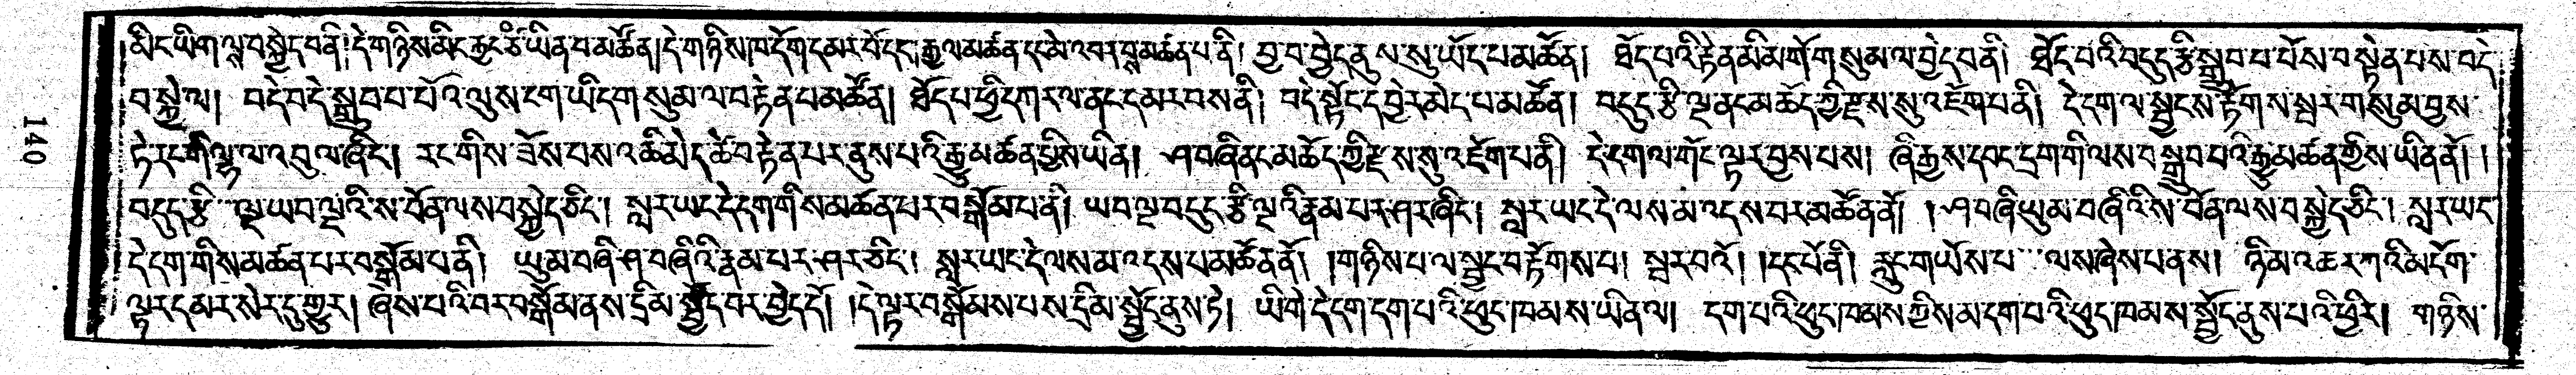མིང་ཡིག་ལས་བསྐྱེད་བ་ནི། དེ་གཉིས་མིང་རྐྱང་ཙཾ་ཡིན་པ་མཚོན། དེ་གཉིས་ཁ་དོག་དམར་པོ་དང་། རྒྱལ་མཚན་དང་མེ་འབར་བས་མཚན་པ་ནི། བྱ་བ་བྱེད་ནུས་སུ་ཡོད་པ་མཚོན། ཐོད་པའི་རྟེན་མི་མགོ་གསུམ་ལ་བྱེད་པ་ནི། ཐོང་པའི་བདུད་རྩི་སྒྲུབ་པ་པོས་བསྟེན་པས་བདེ་
བ་སྐྱེ་ལ། བདེ་བ་དེ་སྒྲུབ་པ་པོའི་ལུས་ངག་ཡིད་གསུམ་ལ་བརྟེན་པ་མཚོན། ཐོད་པ་ཕྱི་དཀར་ལ་ནང་དམར་བས་ནི། བདེ་སྟོང་དབྱེར་མེད་པ་མཚོན། བདུད་རྩི་ལྔ་ནང་མཆོད་ཀྱི་རྫས་སུ་འཇོག་པ་ནི། དེ་དག་ལ་སྦྱངས་རྟོགས་སྤར་གསུམ་བྱས་
ཏེ་རང་གི་ལྷ་ལ་འབུལ་ཞིང་། རང་གིས་ཟོས་པས་འཆི་མེད་ཚེ་བརྟེན་པར་ནུས་པའི་རྒྱུ་མཚན་བྱིས་ཡིན། ཤ་བཞི་ནང་མཆོད་ཀྱི་རྫས་སུ་འཇོག་པ་ནི། དེ་དག་ལ་གོང་ལྟར་བྱས་པས། ཞི་རྒྱས་དབང་དྲག་གི་ལས་བསྒྲུབ་པའི་རྒྱུ་མཚན་གྱིས་ཡིན་ནོ། །
བདུད་རྩི་ལྔ་ཡབ་ལྔའི་ས་བོན་ལས་བསྐྱེད་ཅིང་། སླར་ཡང་དེ་དག་གིས་མཚན་པར་བསྒོམ་པ་ནི། ཡབ་ལྔ་བདུང་རྩི་ལྔའི་རྣམ་པར་ཤར་ཞིང་། སླར་ཡང་དེ་ལས་མ་འདས་བར་མཚོན་ནོ། །ཤ་བཞི་ཡུམ་བཞིའི་ས་བོན་ལས་བསྐྱེད་ཅིང་། སླར་ཡང་
དེ་དག་གིས་མཚན་པར་བསྒོམ་པ་ནི། ཡུམ་བཞི་ཤ་བཞིའི་རྣམ་པར་ཤར་ཅིང་། སླར་ཡང་དེ་ལས་མ་འདས་པ་མཚོན་ནོ། །གཉིས་པ་ལ་སྦྱང་བརྟོགས་པ། སྦར་བའོ། །དང་པོ་ནི། རླུང་གཡོས་པ་ལས་ཞེས་པ་ནས། ཉི་མ་འཆར་ཀའི་མདོག་
ལྟར་དམར་སེར་དུ་གྱུར། ཞེས་པའི་བར་བསྒོམ་ནས་དྲི་མ་སྦྱོད་བར་བྱེད་དོ། །དེ་ལྟར་བསྒོམས་པས་དྲི་མ་སྦྱོང་ནུས་ཏེ། ཡི་གེ་དེ་དག་དག་པའི་ཕུང་ཁམས་ཡིན་ལ། དག་པའི་ཕུང་ཁམས་ཀྱིས་མ་དག་པའི་ཕུང་ཁམས་སྦྱོང་ནུས་པའི་ཕྱིར། གཉིས་